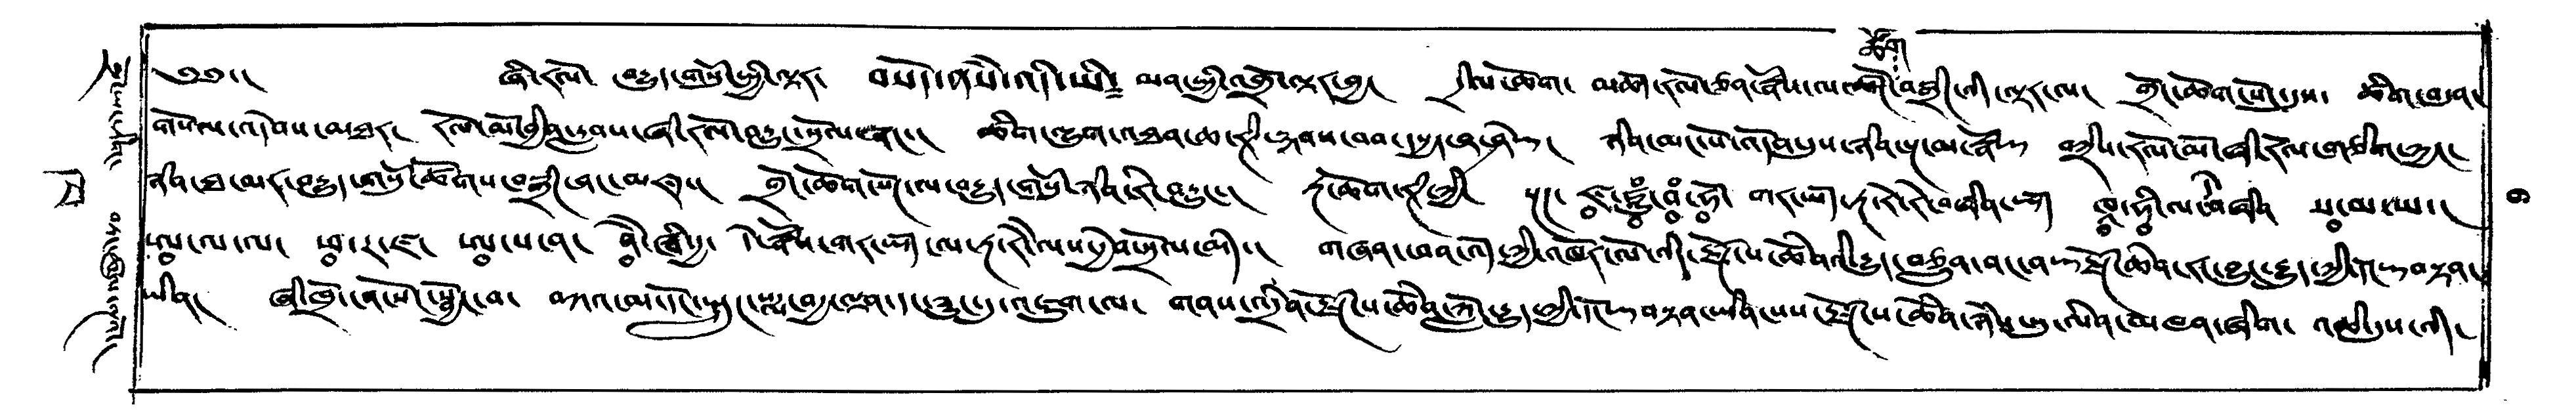ཞི་རོལ། བརྒྱུད་གསུམ་སྤྱི་ལྟར། བསོད་ནམས་འདི་ཡི༴ མན་སྤྱི་འགྲོ་ལྟར་བྱ། དྲིལ་ཆོག མཆོད་རོལ་ཅན་རྣམས་ལ་ཚོག་བསྒྲིགས་འདི་ལྟར་ལ། གྲོང་ཆོག་སོང་དུས། ཚིག་བདུན་
གསོལ་འདེབས་མཐར། རོལ་མོ་བྱིན་རླབས་ཞི་རོལ་བརྡུང་སྲོལ་སྣང་། ཚིག་ལྷུག་འཐན་ཆ་རིགས་སྐབས་བབ་དཔྱད་ན་ཤེས། ཉིན་མང་པོ་འདོན་དུས་ཉིན་སྔ་མ་རྣམས། བཀྲ་ཤིས་རོལ་མོ་ཞི་རོལ་གཅིག་ཀྱང་། 
ཉིན་ཐ་མར་བརྒྱུད་གསུམ་ཚོགས་བསྒྲིགས་ནང་མཛད། གྲོང་ཆོག་སོགས་ལ་བརྒྱུད་གསུམ་ཉིན་རེ་བརྡུང་། རྔ་ཆོག་རིགས་ཀྱི། སྔགས། ཛ་ཧཱུཾ་བཾ་ཧོ། གར་ཡོད་རྔ་རེ་རེ་བཞིན་ཡོད།ཁཱ་ཧི་ལ་དེ་བཞིན། ས་མ་ཡ། 
ཨ་ལ་ལ། ཕ་ར་ཛ། ཨ་པ་ན། ནཻ་ཝི་དྱ། དེ་རྣམས་གར་ཡོད་ལ་རྔ་རེ་རེ་ལས་བརྡུང་སྲོལ་མེད། གཞན་ཕན་འོད་ཀྱི་འཁོར་ལོ་འདི་རྫོགས་པ་ཆེན་པོའི་རྒྱུད་བཅུ་བདུན་ནང་ནས་རྫོགས་ཆེན་རང་བྱུང་རྒྱུད་ཀྱི་དངོས་བསྟན་
ཡིན། ཞི་ཁྲོ་ངན་སོང་སྦྱོང་བ། བཀའ་མ་དོང་སྤྲུགས་པདྨ་བརྒྱ་ལྡན་དང་ཟུང་དུ་འཇུག་ལ། གནས་འདྲེན་རྫོགས་པ་ཆེན་པོ་ཀློང་རྒྱུད་ཀྱི་དངོས་བསྟན་ཡིན་པས་རྫོགས་པ་ཆེན་པོ་ཉམས་སུ་ལེན་མཁན་ཞིག འཆི་དུས་འདི་